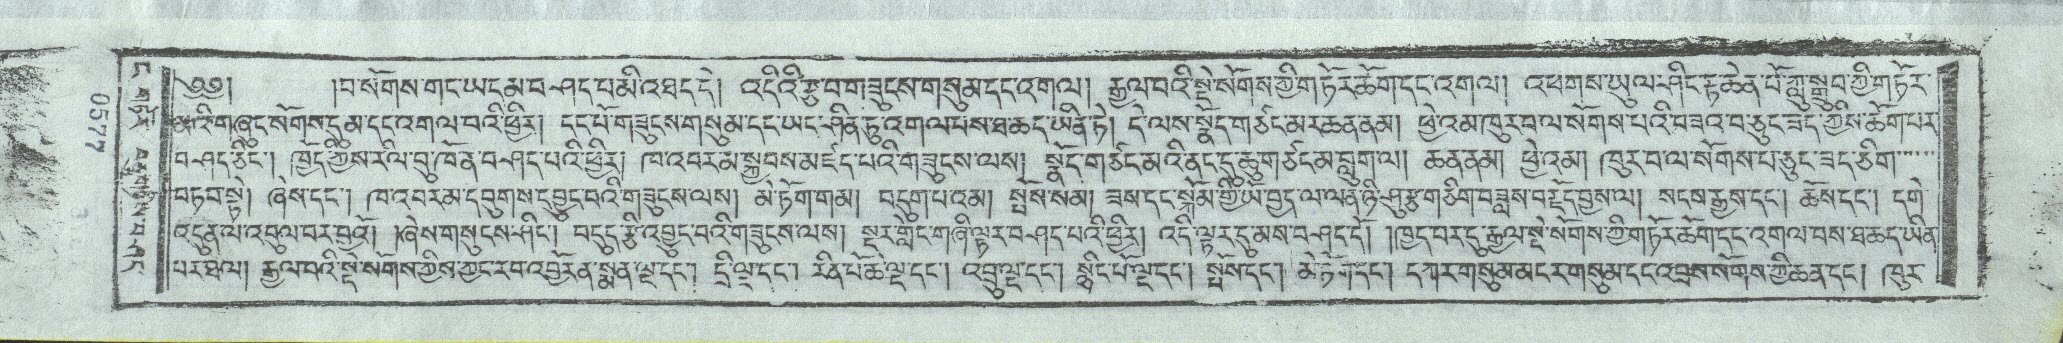༄༅། །བ་སོགས་གང་ཡང་མ་བཤད་པ་མི་འཐད་དེ། འདིའི་རྩ་བ་གཟུངས་གསུམ་དང་འགལ། རྒྱལ་བའི་སྡེ་སོགས་ཀྱི་གཏོར་ཆོག་དང་འགལ། འཕགས་ཡུལ་ཤིང་རྟ་ཆེན་པོ་ཀླུ་སྒྲུབ་ཀྱི་གཏོར་
མའི་གཞུང་སོགས་དུ་མ་དང་འགལ་བའི་ཕྱིར། དང་པོ་གཟུངས་གསུམ་དང་ཡང་ཤིན་ཏུ་འགལ་པས་ཐ་ཆད་ཡིན་ཏེ། དེ་ལས་སྣོད་གཙང་མར་ཆན་ནམ། ཕྱེ་འམ་ཁུར་བ་ལ་སོགས་པའི་བཟའ་བ་ཅུང་ཟད་ཀྱིས་ཆོག་པར་
བཤད་ཅིང་། ཁྱོད་ཀྱིས་རིལ་བུ་ཁོ་ན་བཤད་པའི་ཕྱིར། ཁ་འབར་མ་སྐྱབས་མཛད་པའི་གཟུངས་ལས། སྣོད་གཙང་མའི་ནང་དུ་ཆུ་གཙང་མ་བླུག་ལ། ཆན་ནམ། ཕྱེ་འམ། ཁུར་བ་ལ་སོགས་པ་ཅུང་ཟད་ཅིག་
བཏབ་སྟེ། ཞེས་དང་། ཁ་འབར་མ་དབུགས་དབྱུང་བའི་གཟུངས་ལས། མེ་ཏོག་གམ། བདུག་པ་འམ། སྤོས་སམ། ཟས་དང་སྐོམ་གྱི་ཡོ་བྱད་ལ་ལན་ཉི་ཤུ་རྩ་གཅིག་བཟླས་བརྗོད་བྱས་ལ། སངས་རྒྱས་དང་། ཆོས་དང་། དགེ་
འདུན་ལ་འབུལ་བར་བྱའོ། །ཞེས་གསུངས་ཤིང་། བདུད་རྩི་འབྱུང་བའི་གཟུངས་ལས། སྔར་གླེང་གཞི་ལྟར་བཤད་པའི་ཕྱིར། འདི་ལྟར་དུ་མས་བཤད་དོ། །ཁྱད་པར་དུ་རྒྱལ་སྡེ་སོགས་ཀྱི་གཏོར་ཆོག་དང་འགལ་བས་ཐ་ཆད་ཡིན་
པར་ཐལ། རྒྱལ་བའི་སྡེ་སོགས་ཀྱིས་ཀྱང་རབ་འབྱོར་ན་སྨན་ལྔ་དང་། དྲི་ལྔ་དང་། རིན་པོ་ཆེ་ལྔ་དང་། འབྲུ་ལྔ་དང་། སྙིང་པོ་ལྔ་དང་། སྤོས་དང་། མེ་ཏོག་དང་། དཀར་གསུམ་མངར་གསུམ་དང་འབྲས་སོགས་ཀྱི་ཆན་དང་། ཁུར་